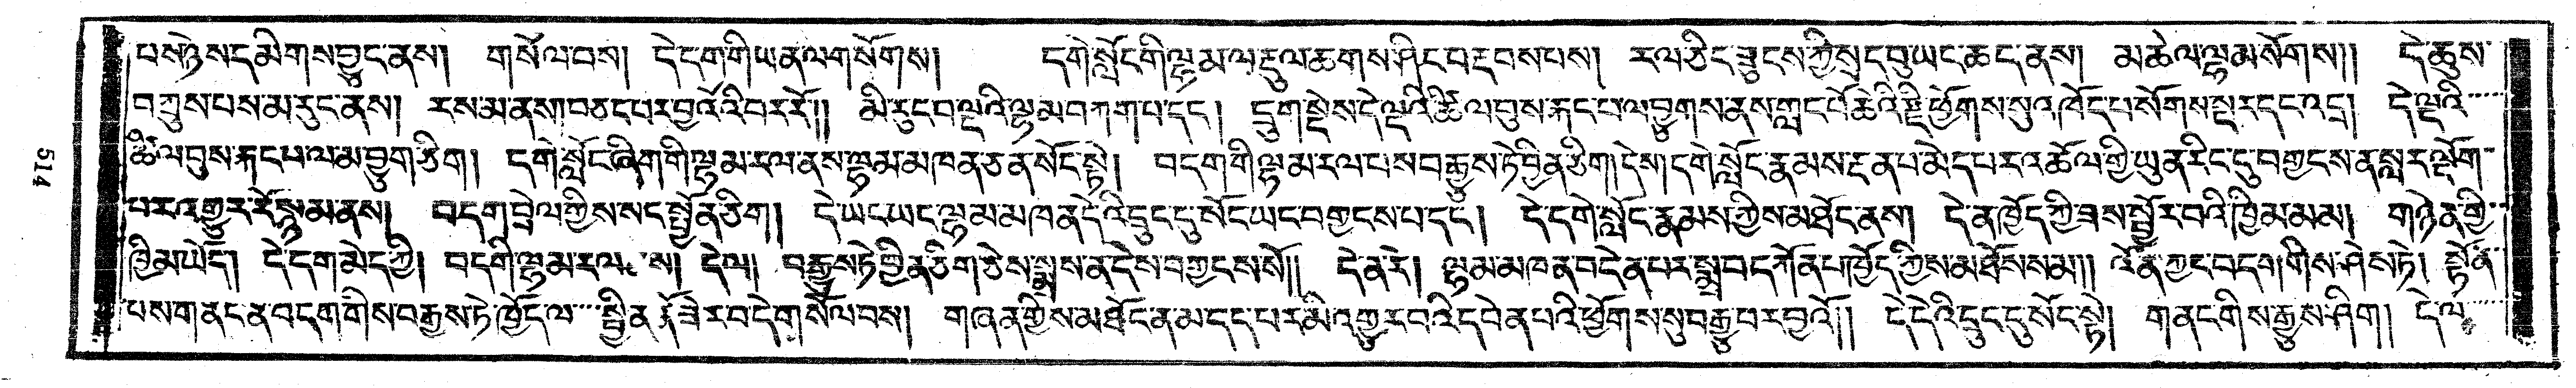པས་ཉེས་དམིགས་བྱུང་ནས། གསོལ་བས། དེ་དག་གི་ཡན་ལག་སོགས། དགེ་སློང་གི་ལྷམ་ལ་རྡུལ་ཆགས་ཤིང་བརྡབས་པས། རལ་ཅིང་ཟུངས་ཀྱི་སྲད་བུ་ཡང་ཆད་ནས། མཆེལ་ལྷམ་སོགས།། དེ་ཆུས་
བཀྲུས་པས་མ་རུང་ནས། རས་མ་ནས། བཅང་བར་བྱའོའི་བར་རོ།། མི་རུང་བ་ལྔའི་ལྷམ་བཀག་པ་དང་། དྲུག་སྡེས་དེ་ལྔའི་ཚིལ་བུས་རྐང་པ་ལ་བྱུགས་ནས་གླང་པོ་ཆེའི་རྫི་ཕྱོགས་སུ་འཁོད་པ་སོགས་སྔར་དང་འདྲ། དེ་ལྔའི་
ཚིལ་བུས་རྐང་པ་ལ་མ་བྱུག་ཅིག། དགེ་སློང་ཞིག་གི་ལྷམ་རལ་ནས་ལྷམ་མཁན་ཅན་སོང་སྟེ། བདག་གི་ལྷམ་རལ་པས་བརྒྱུས་ཏེ་བྱིན་ཅིག། དེས། དགེ་སློང་རྣམས་རྔན་པ་མེད་པར་འཆོལ་གྱི་ཡུན་རིང་དུ་བགྱངས་ན་སླར་ལྡོག་
པར་འགྱུར་རོ་སྙམ་ནས། བདག་བྲེལ་གྱིས་སང་སྤྱོན་ཅིག། དེ་ཡང་ཡང་ལྷམ་མཁན་དེའི་དྲུང་དུ་སོང་ཡང་བགྱངས་པ་དང་། དེ་དགེ་སློང་རྣམས་ཀྱིས་མཐོང་ནས། དེ་ན་ཁྱོད་ཀྱི་ཟས་སྦྱོར་བའི་ཁྱིམ་མམ། གཉེན་གྱི་
ཁྱིམ་ཡོད། དེ་དག་མེད་ཀྱི། བདག་གི་ལྷམ་རལ་ནས། དེ་ལ། བརྒྱུས་ཏེ་བྱིན་ཅིག་ཅེས་སྨྲས་ན་དེས་བགྱངས་སོ།། དེ་ན་རེ། ལྷམ་མཁན་བདེན་པར་སྨྲ་བ་དཀོན་པ་ཁྱོད་ཀྱིས་མཐོས་སམ།། འོན་ཀྱང་བདག་གིས་ཤེས་ཏེ། སྟོན་
པས་གནང་ན་བདག་གིས་བརྒྱས་ཏེ་ཁྱོད་ལ་སྦྱིན་ནོ་ཟེར་བ་དེ་གསོལ་བས། གཞན་གྱིས་མཐོང་ན་མ་དད་པར་མི་འགྱུར་བའི་དབེན་བའི་ཕྱོགས་སུ་བརྒྱུ་བར་བྱའོ།། དེ་དེའི་དྲུང་དུ་སོང་སྟེ། གནང་གིས་རྒྱུས་ཤིག། དེ་ལ་